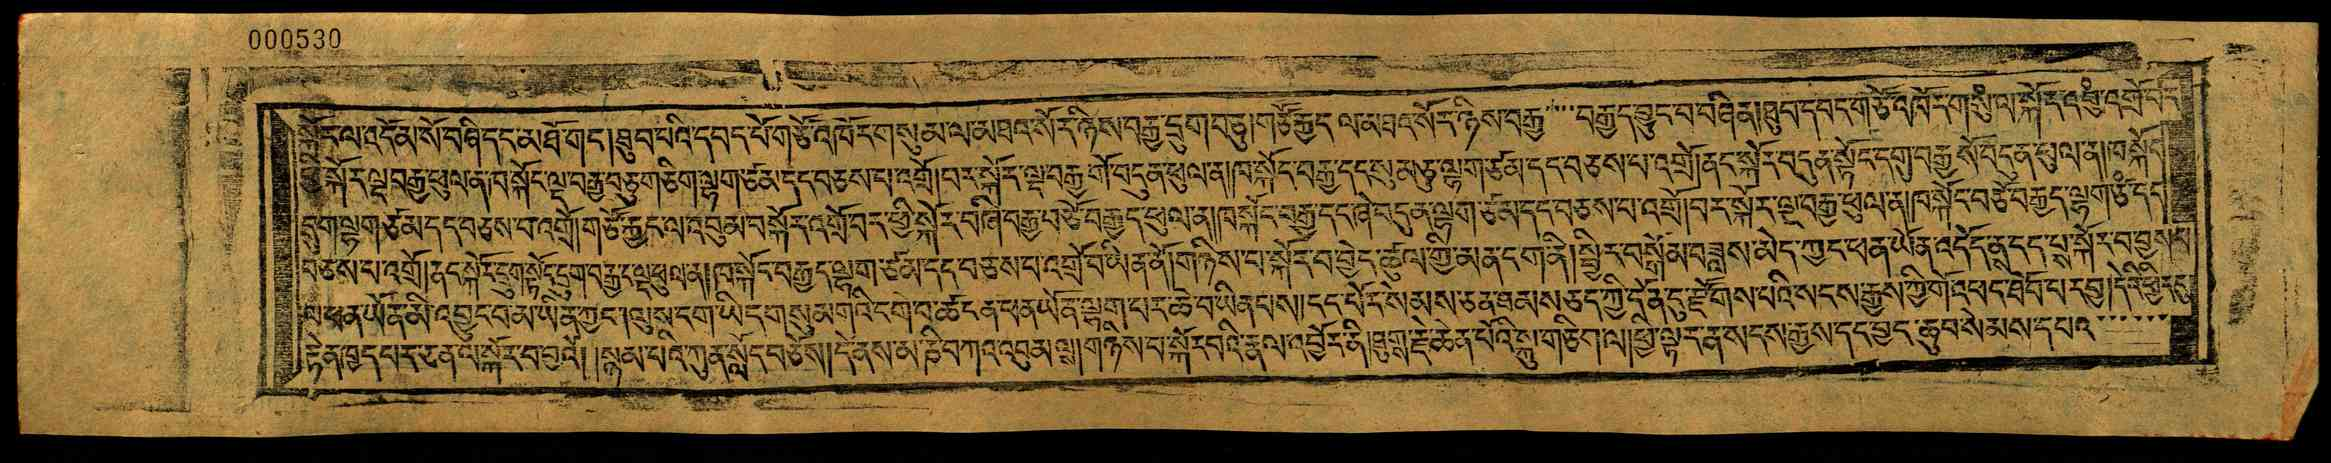སྐོར་ལ་འདོམ་སོ་བཞི་དང་མཐོ་གང་། ཐུབ་པའི་དབང་པོ་གཙོ་འཁོར་གསུམ་ལ་མཐའ་སོར་ཉིས་བརྒྱ་དྲུག་ཅུ། གཙོ་རྐྱང་ལ་མཐའ་སོར་ཉིས་བརྒྱ་བཅོ་བརྒྱད་བྱུང་བ་བཞིན། ཐུབ་དབང་གཙོ་འཁོར་གསུམ་ལ་སྐོར་འབུམ་འགྲོ་བར་ཕྱི་སྐོར་
ལྔ་བརྒྱ་ཕུལ་ན་ཁ་སྐོང་ལྔ་བརྒྱ་བཅུ་གཅིག་ལྷག་ཙམ་དང་བཅས་པ་འགྲོ། བར་སྐོར་ལྔ་བརྒྱ་གོ་བདུན་ཕུལ་ན། ཁ་སྐོང་བརྒྱ་དང་གསུམ་ཅུ་ལྷག་ཙམ་དང་བཅས་པ་འགྲོ། ནང་སྐོར་བདུན་སྟོང་དགུ་བརྒྱ་སོ་བདུན་ཕུལ་ན། ཁ་སྐོང་དྲུག་
ལྷག་ཙམ་དང་བཅས་པ་འགྲོ། གཙོ་རྐྱང་ལ་འབུམ་བསྐོར་འགྲོ་བར་ཕྱི་སྐོར་བཞི་བརྒྱ་བཅོ་བརྒྱད་ཕུལ་ན། ཁ་སྐོང་བརྒྱ་དང་ཞེ་བདུན་ལྷག་ཙམ་དང་བཅས་པ་འགྲོ། །བར་སྐོར་ལྔ་བརྒྱ་ཕུལ་ན། ཁ་སྐོང་བཅོ་བརྒྱད་ལྷག་ཙམ་དང་བཅས་
པ་འགྲོ། ནང་སྐོར་དྲུག་སྟོང་དྲུག་བརྒྱ་ང་ལྔ་ཕུལ་ན། ཁ་སྐོང་བརྒྱད་ལྷག་ཙམ་དང་བཅས་པ་འགྲོ་བ་ཡིན་ནོ། །གཉིས་པ་སྐོར་བ་བྱེད་ཚུལ་གྱི་མན་ངག་ནི། སྤྱིར་བསྒོན་བཟླས་མེད་ཀྱང་ཕན་ཡོན་འདོད་ནས་དད་པས་སྐོར་བ་བྱས་པ་
ལ་ཕན་ཡོན་མི་འབྱུང་བ་མ་ཡིན་ཀྱང་། ལུས་ངག་ཡིད་གསུམ་གའི་དགེ་བ་ཚང་ན་ཕན་ཡོན་ལྷག་པར་ཆེ་བ་ཡིན་པས། དང་པོར་སེམས་ཅན་ཐམས་ཅད་ཀྱི་དོན་དུ་རྫོགས་པའི་སངས་རྒྱས་ཀྱི་གོ་འཕང་ཐོབ་པར་བྱ། དེའི་ཕྱིར་དུ་
རྟེན་ཁྱད་པར་ཅན་ལ་སྐོར་བ་བྱའོ། །སྙམ་པའི་ཀུན་སློང་བཅོས། དེ་ནས་མ་ཎི་བཀའ་འབུམ་ལས། གཉིས་པ་སྐོར་བའི་རྣལ་འབྱོར་ནི། ཐུགས་རྗེ་ཆེན་པོའི་སྐུ་གཅིག་ལ། ཕྱི་ལྟར་ན་སངས་རྒྱས་དང་བྱང་ཆུབ་སེམས་དཔའ་